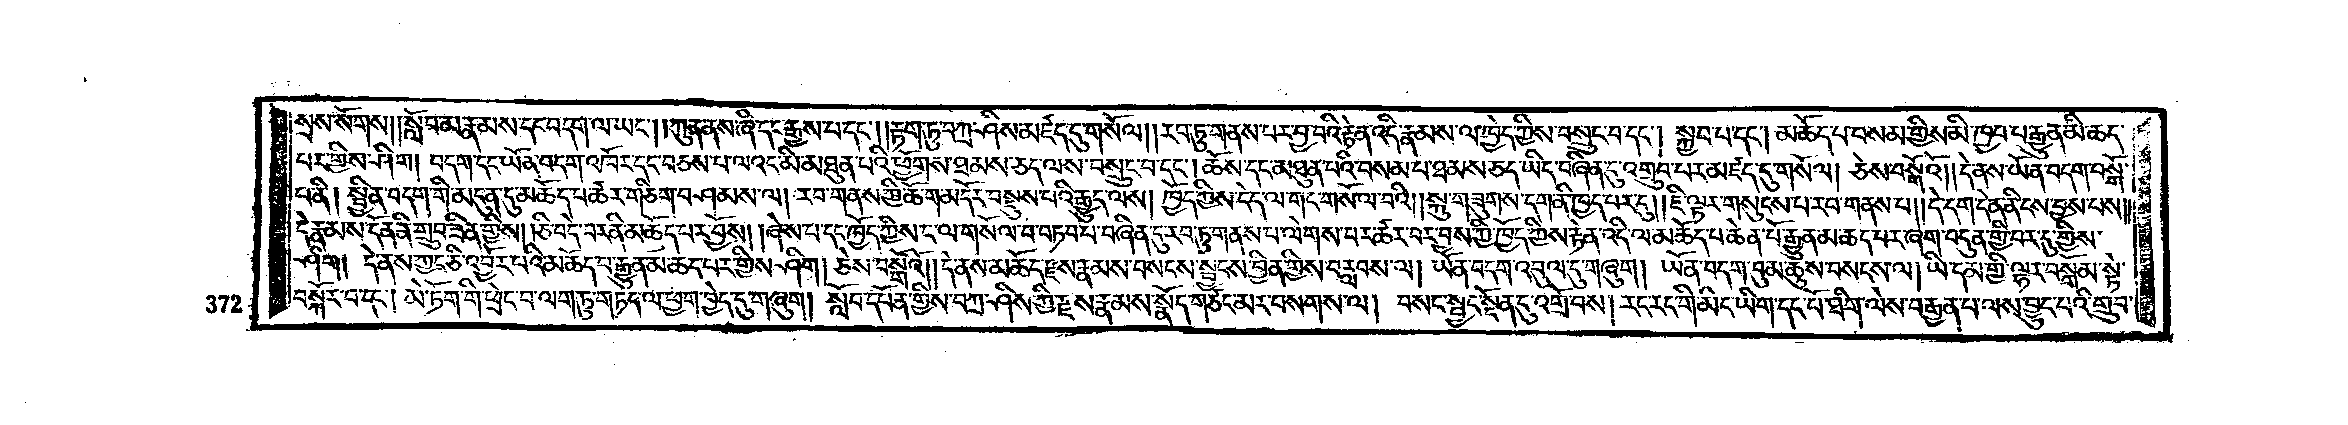སྲས་སོགས། །སློབ་མ་རྣམས་དང་བདག་ལ་ཡང་། །ཀུན་ནས་ཞི་དང་རྒྱས་པ་དང་། །རྟག་ཏུ་བཀྲ་ཤིས་མཛད་དུ་གསོལ། །རབ་ཏུ་གནས་པར་བྱ་བའི་རྟེན་འདི་རྣམས་ལ་ཁྱེད་ཀྱིས་བསྲུང་བ་དང་། སྐྱོབ་པ་དང་། མཆོད་པ་བསམ་གྱིས་མི་ཁྱབ་པ་རྒྱུན་མི་ཆད་
པར་གྱིས་ཤིག །བདག་དང་ཡོན་བདག་འཁོར་དང་བཅས་པ་ལའང་མི་མཐུན་པའི་ཕྱོགས་ཐམས་ཅད་ལས་བསྲུང་བ་དང་། ཆོས་དང་མཐུན་པའི་བསམ་པ་ཐམས་ཅད་ཡིད་བཞིན་དུ་འགྲུབ་པར་མཛད་དུ་གསོལ། ཅེས་བསྒོའོ། །དེ་ནས་ཡོན་བདག་བསྒོ་
པ་ནི། སྦྱིན་བདག་གི་མདུན་དུ་མཆོད་པ་ཚར་གཅིག་བཤམས་ལ། རབ་གནས་ཀྱི་ཆོ་ག་མདོར་བསྡུས་པའི་རྒྱུད་ལས། ཁྱེད་ཀྱིས་ངེད་ལ་གང་གསོལ་བའི། །སྐུ་གཟུགས་དག་ནི་ཁྱད་པར་དུ། །ཇི་ལྟར་གསུངས་པ་རབ་གནས་པ། །དེ་དག་དོན་ནི་ངས་བྱས་པས། །
དེ་རྣམས་དོན་ནི་གྲུབ་ཟིན་གྱིས། །ཅི་བདེ་བར་ནི་མཆོད་པར་བྱོས། །ཞེས་པ་དང་ཁྱོད་ཀྱིས་ང་ལ་གསོལ་བ་བཏབ་པ་བཞིན་དུ་རབ་ཏུ་གནས་པ་ལེགས་པར་ཚར་བར་བྱས་ཀྱི་ཁྱོད་ཀྱིས་རྟེན་འདི་ལ་མཆོད་པ་ཆེན་པོ་རྒྱུན་མ་ཆད་པར་ཞག་བདུན་གྱི་བར་དུ་གྱིས་
ཤིག །དེ་ནས་ཀྱང་ཅི་འབྱོར་པའི་མཆོད་པ་རྒྱུན་མ་ཆད་པར་གྱིས་ཤིག །ཅེས་བསྒོའོ། །དེ་ནས་མཆོད་རྫས་རྣམས་བསངས་སྦྱངས་བྱིན་གྱིས་བརླབས་ལ། ཡོན་བདག་འབུལ་དུ་གཞུག །ཡོན་བདག་བུམ་ཆུས་བསངས་ལ། ཡི་དམ་གྱི་ལྷར་བསྒོམ་སྟེ་
བསྐོར་བ་དང་། མེ་ཏོག་གི་ཕྲེང་བ་ལག་ཏུ་གཏད་ལ་ཕྱག་བྱེད་དུ་གཞུག །སློབ་དཔོན་གྱིས་བཀྲ་ཤིས་ཀྱི་རྫས་རྣམས་སྣོད་གཙང་མར་བསགས་ལ། བསང་སྦྱང་སྔོན་དུ་འགྲོ་བས། རང་རང་གི་མིང་ཡིག་དང་པོ་ཐིག་ལེས་བརྒྱན་པ་ལས་བྱུང་བའི་གྲུབ་